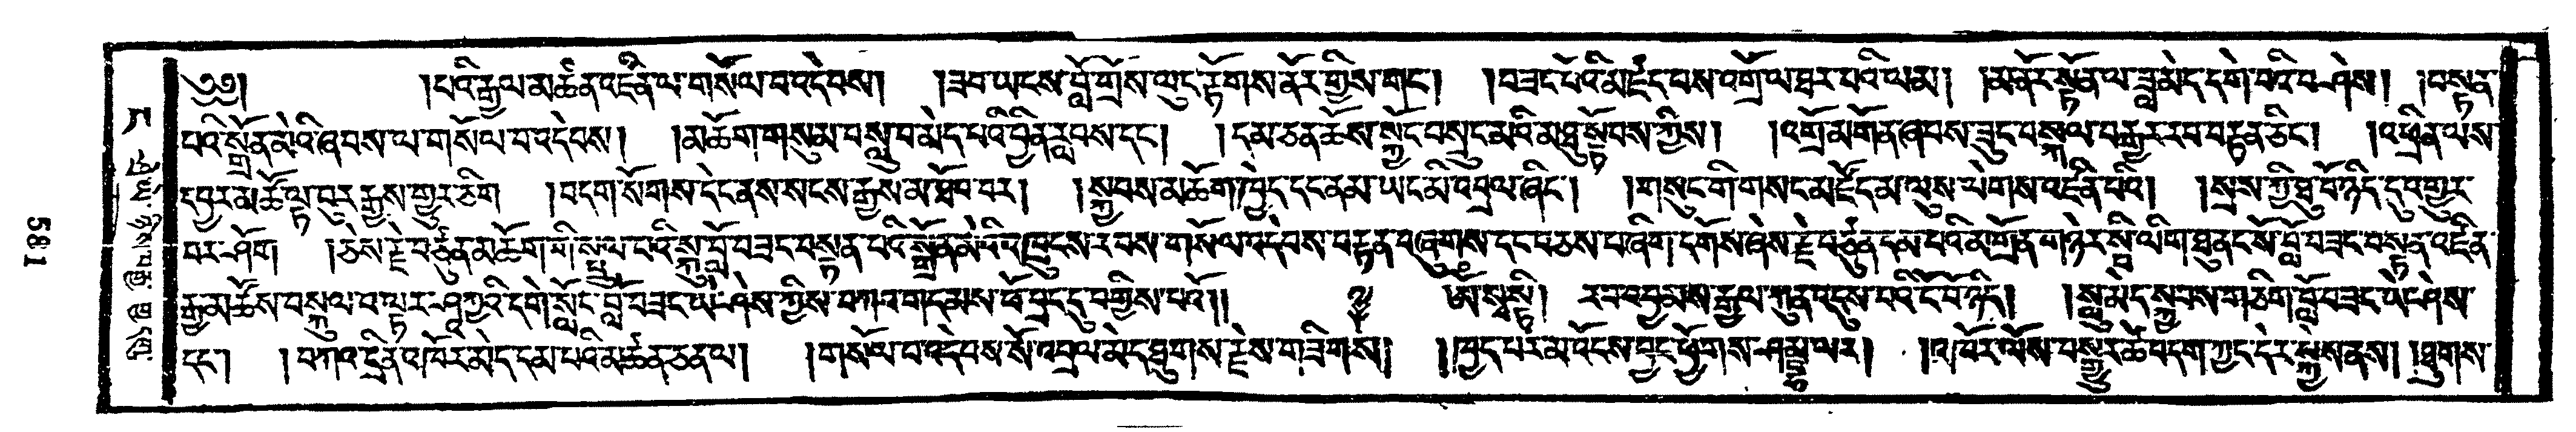༄༅། །པའི་རྒྱལ་མཚན་འཛིན་ལ་གསོལ་བ་འདེབས། །ཟབ་ཡངས་བློ་གྲོས་ལུང་རྟོགས་ནོར་གྱིས་གང་། །བཟང་པོའི་མཛད་པས་འགྲོ་ལ་ཐར་པའི་ལམ། །མ་ནོར་སྟོན་ལ་ཟླ་མེད་དགེ་བའི་བཤེས། །བསྟན་
པའི་སྒྲོན་མེའི་ཞབས་ལ་གསོལ་བ་འདེབས། །མཆོག་གསུམ་བསླུ་བ་མེད་པའི་བྱིན་རླབས་དང་། །དམ་ཅན་ཆོས་སྐྱོང་བསྲུང་མའི་མཐུ་སྟོབས་ཀྱིས། །འགྲོ་མགོན་ཞབས་ཟུང་བསྐལ་བརྒྱར་རབ་བརྟན་ཅིང་། །འཕྲིན་ལས་
དབྱར་མཚོ་ལྟ་བུར་རྒྱས་གྱུར་ཅིག །བདག་སོགས་དེང་ནས་སངས་རྒྱས་མ་ཐོབ་པར། །སྐྱབས་མཆོག་ཁྱེད་དང་ནམ་ཡང་མི་འབྲལ་ཞིང་། །གསུང་གི་གསང་མཛོད་མ་ལུས་ལེགས་འཛིན་པའི། །སྲས་ཀྱི་ཐུ་བོ་ཉིད་དུ་འགྱུར་
བར་ཤོག །ཅེས་རྗེ་བཙུན་མཆོག་གི་སྤྲུལ་པའི་སྐུ་བློ་བཟང་བསྟན་པའི་སྒྲོན་མེའི་འཁྲུངས་རབས་གསོལ་འདེབས་བརྟན་བཞུགས་དང་བཅས་པ་ཞིག་དགོས་ཞེས་རྗེ་བཙུན་དམ་པའི་མགྲོན་གཉེར་སྦི་ལིག་ཐུ་ནང་སོ་བློ་བཟང་བསྟན་འཛིན་
རྒྱ་མཚོས་བསྐུལ་བ་ལྟར་ཤཱཀྱའི་དགེ་སློང་བློ་བཟང་ཡེ་ཤེས་ཀྱིས་བཀའ་གདམས་ཕོ་བྲང་དུ་བགྱིས་པའོ།། ༈ ཨོཾ་སྭ་སྟི། རབ་འབྱམས་རྒྱལ་ཀུན་འདུས་པའི་ངོ་བོ་ཉིད། །སླུ་མེད་སྐྱབས་གཅིག་བློ་བཟང་ཡེ་ཤེས་
དང་། །བཀའ་དྲིན་འཁོར་མེད་དམ་པའི་མཚན་ཅན་ལ། །གསོལ་བ་འདེབས་སོ་འབྲལ་མེད་ཐུགས་རྗེས་གཟིགས། །ཁྱད་པར་མ་འོངས་བྱང་ཕྱོགས་ཤམྦྷ་ལར། །འཁོར་ལོས་བསྒྱུར་ཚེ་བདག་ཀྱང་དེར་སྐྱེས་ནས། །ཐུགས་